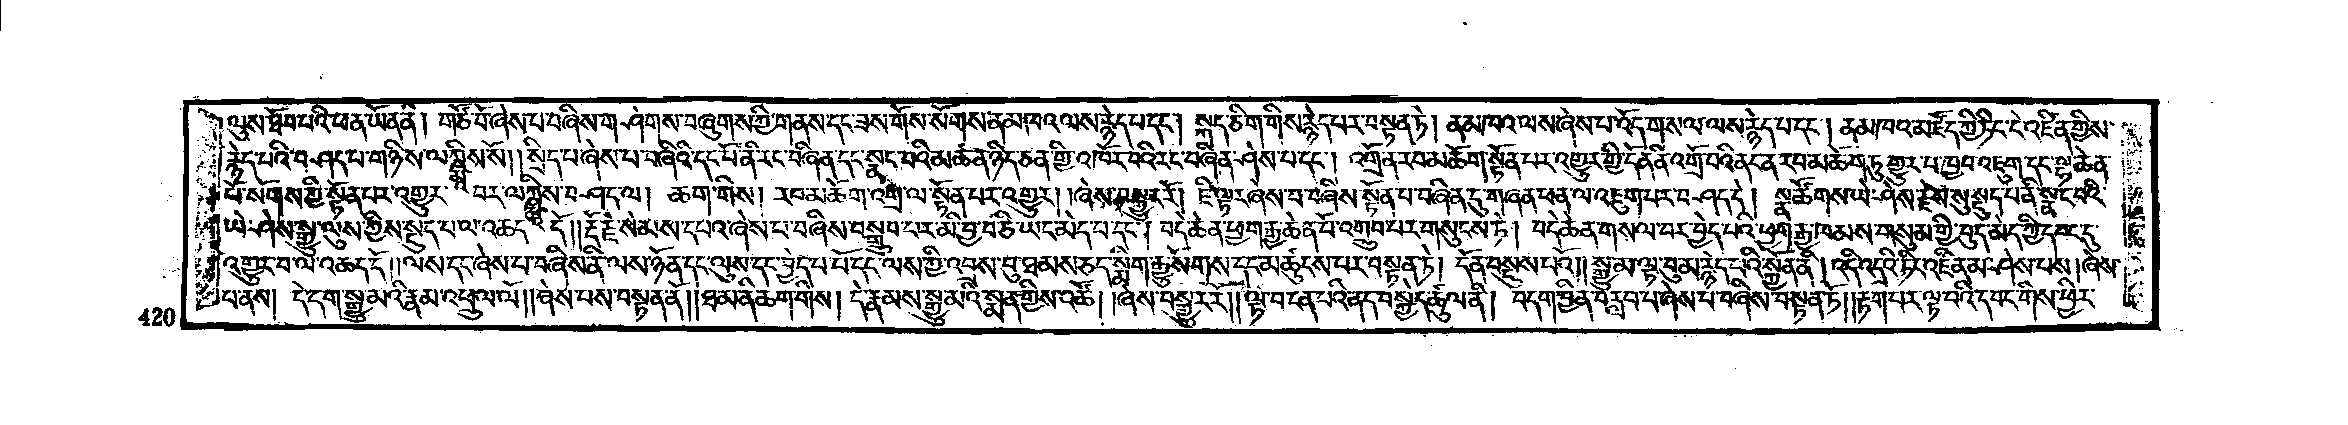ལུས་ཐོབ་པའི་ཕན་ཡོན་ནི། གཙོ་བོ་ཞེས་པ་བཞིས་གཤེགས་བཞུགས་ཀྱི་གནས་དང་ཟས་གོས་སོགས་ནམ་མཁའ་ལས་རྙེད་པ་དང་། སྐད་ཅིག་གིས་རྙེད་པར་བསྟན་ཏེ། ནམ་མཁའ་ལས་ཞེས་པ་འོད་གསལ་ལས་རྙེད་པ་དང་། ནམ་མཁའ་མཛོད་ཀྱི་ཏིང་ངེ་འཛིན་གྱིས་
རྙེད་པའི་བཤད་པ་གཉིས་ལཀྵྨཱིས་སོ། །སྲིད་པ་ཞེས་པ་བཞིའི་དང་པོ་ནི་རང་བཞིན་དང་སྣང་བའི་མཚན་ཉིད་ཅན་གྱི་འཁོར་བའི་རང་བཞིན་ཤེས་པ་དང་། འགྲོ་ན་རབ་མཆོག་སྟོན་པར་འགྱུར་གྱི་དོན་ནི་འགྲོ་བའི་ནང་ན་རབ་མཆོག་ཏུ་གྱུར་པ་ཁྱབ་འཇུག་དང་ལྷ་ཆེན་
པོ་སོགས་ཀྱི་སྟོན་པར་འགྱུར་བར་ལཀྵྨཱིས་བཤད་ལ། ཆག་གིས། རབ་མཆོག་འགྲོ་ལ་སྟོན་པར་འགྱུར། །ཞེས་བསྒྱུར་རོ། ཇི་ལྟར་ཞེས་པ་བཞིས་སྟོན་པ་བཞིན་དུ་གཞན་ཕན་ལ་འཇུག་པར་བཤད་དེ། སྣ་ཚོགས་ཡེ་ཤེས་རྗེས་སུ་སྡུད་པ་ནི་སྣང་བའི་
ཡེ་ཤེས་སྒྱུ་ལུས་ཀྱིས་སྡུད་པ་ལ་འཆད་དོ། །རྡོ་རྗེ་སེམས་དཔའ་ཞེས་པ་བཞིས་བསྒྲུབ་པར་མི་བྱ་བ་ཅི་ཡང་མེད་པ་དང་། བདེ་ཆེན་ཕྱག་རྒྱ་ཆེན་པོ་འགྲུབ་པར་གསུངས་ཏེ། བདེ་ཆེན་གསལ་བར་བྱེད་པའི་ཕྱག་རྒྱ་ཁམས་གསུམ་གྱི་བུད་མེད་ཀྱི་དབང་དུ་
འགྱུར་བ་ལ་འཆད་དོ། །ལས་དང་ཞེས་པ་བཞིས་ནི་ལས་ཉོན་དང་ལུས་དང་བྱེད་པ་པོ་དང་ལས་ཀྱི་འབྲས་བུ་ཐམས་ཅད་སྨིག་རྒྱུ་སོགས་དང་མཚུངས་པར་བསྟན་ཏེ། དོན་བསྡུས་པའོ། །སྒྱུ་མ་ལྟ་བུ་མ་རྙེད་པའི་སྐྱོན་ནི། འདི་འདྲའི་ཏིང་འཛིན་མ་ཤེས་པས། ཞེས་
པ་ནས། དེ་དག་སྒྱུ་མའི་རྣམ་འཕྲུལ་ལོ། །ཞེས་པས་བསྟན་ནོ། །ཐ་མ་ནི་ཆག་གིས། དེ་རྣམས་སྒྱུ་མའི་སྨན་གྱིས་འཚོ། །ཞེས་བསྒྱུར་རོ། །ལྟ་བ་ངན་པའི་ནད་བསྐྱེད་ཚུལ་ནི། བདག་བྱིན་བརླབ་པ་ཞེས་པ་བཞིས་བསྟན་ཏོ། །རྟག་པར་ལྟ་བའི་དབང་གིས་ཕྱིར་